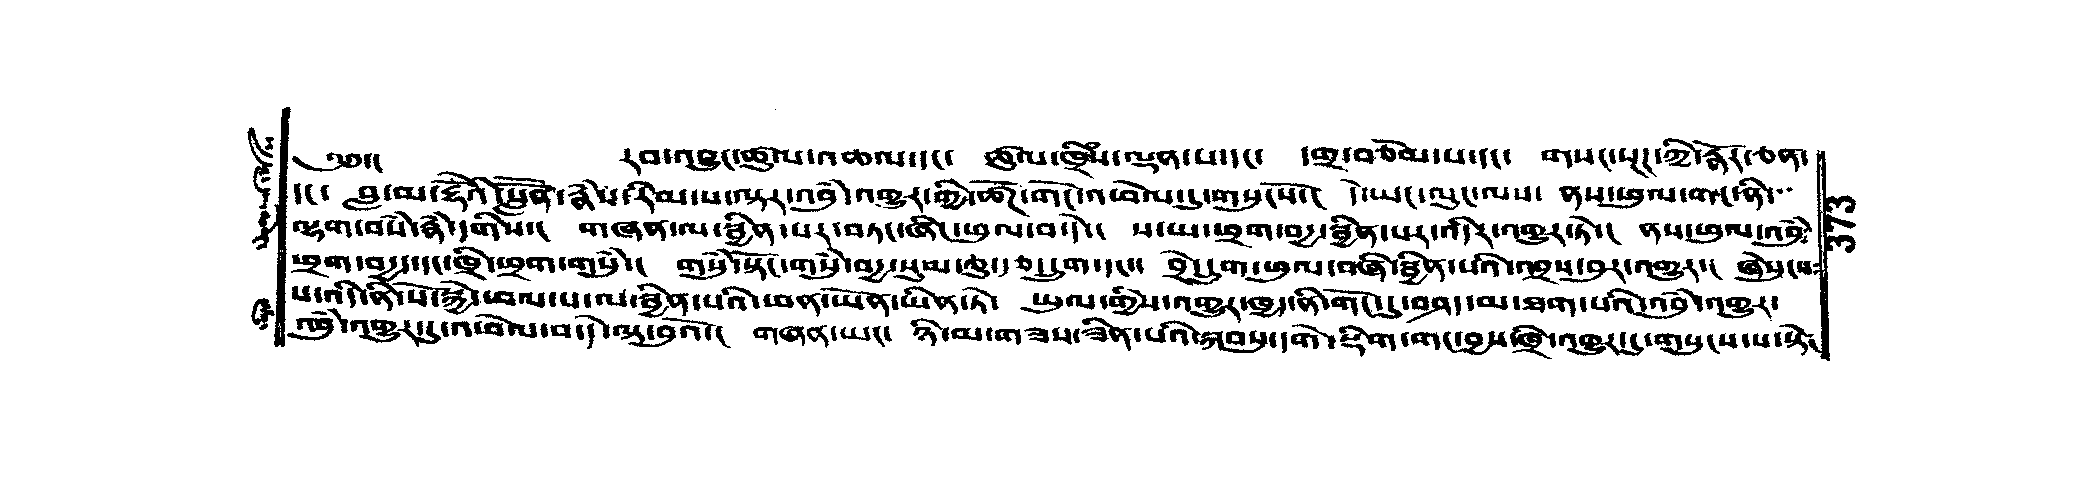རབ་བྱུང་ཚུལ་འཆལ་དང་། ཚུལ་ཁྲིམས་ལྡན་པ་དང་། དགྲ་བཅོམ་པ་དང་། གསང་སྔགས་ཀྱི་རྣལ་འབྱོར་ཅན་
དང་། བླ་མ་རྡོ་རྗེའི་སློབ་དཔོན་རྣམས་རིམ་པ་ལྟར་འབུམ་འགྱུར་གྱི་ཚོགས་གོང་འཕེལ་དུ་གསུངས་སོ། དེ་ཡང་ལུང་ལས། ནས་ཕུལ་གང་ནི་
ལྷག་བསམ་རྣམ་དག་གིས། །གཞན་ལ་སྦྱིན་པར་བཏང་ཞིང་ཕུལ་བ་དེ། །ས་ཡ་ཕྲག་བརྒྱ་སྦྱིན་པར་འདིར་འགྱུར་ཏེ། །ནས་ཕུལ་འབུམ་
ཕྲག་བརྒྱད་དང་ཁྲི་ཕྲག་གསུམ། །སུམ་སྟོང་སུམ་བརྒྱ་སུམ་ཅུ་རྩ་དྲུག་དང་། །བྲེ་དྲུག་ཕུལ་བཞི་སྦྱིན་པའི་འབྲས་བུར་འགྱུར། ཞེས་གསུངས་
པ་འདི་ནི་སོ་སྐྱེ་ཕལ་པ་ལ་སྦྱིན་པའི་ཕན་ཡོན་ཡིན་ཏེ། ཡུལ་གྱིས་འགྱུར་ཁྱད་ནི་གོང་དུ་བཤད་མ་ཐག་པའི་འབུམ་འགྱུར་
འབུམ་འགྱུར་དུ་འཕེལ་བ་དེ་ལྟ་བུའོ། གཞན་ཡང་། ཉི་མ་གཟས་ཟིན་པའི་སྐབས་སུ་དགེ་སྡིག་གང་བྱས་ཁྲི་འགྱུར་དུ་གསུངས་པ་སྟེ།